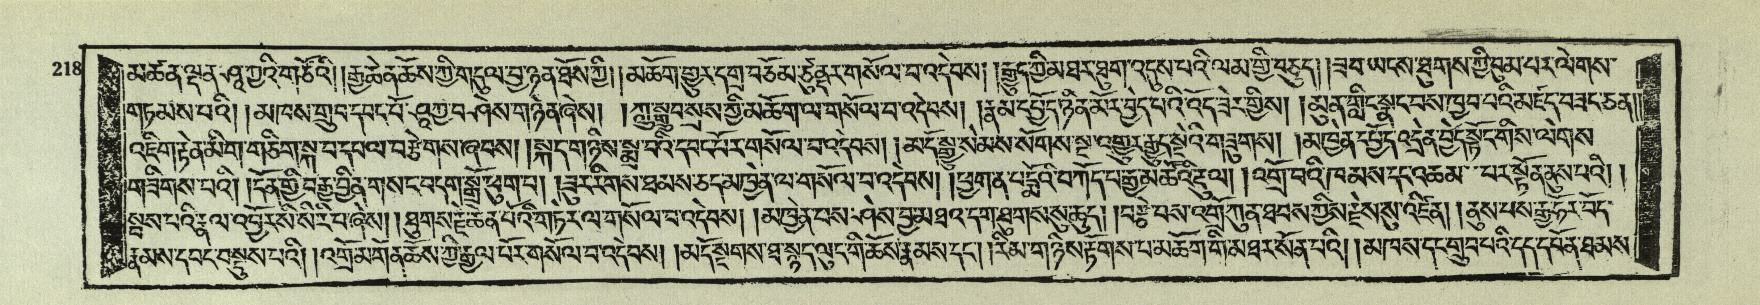མཚན་ལྡན་ཤཱཀྱའི་གཙོའི། །རྒྱ་ཆེན་ཆོས་ཀྱི་གདུལ་བྱ་ཉན་ཐོས་ཀྱི། །མཆོག་གྱུར་དགྲ་བཅོམ་ཙུནྡར་གསོལ་བ་འདེབས། །རྒྱུད་ཀྱི་མཐར་ཐུག་འདུས་པའི་ལམ་གྱི་བཅུད། །ཟབ་ཡངས་ཐུགས་ཀྱི་བུམ་པར་ལེགས་
གཏམས་པའི། །མཁས་གྲུབ་དབང་པོ་ཤཱཀྱ་བཤེས་གཉེན་ཞེས། །ཀླུ་སྒྲུབ་སྲས་ཀྱི་མཆོག་ལ་གསོལ་བ་འདེབས། །རྣམ་དཔྱོད་ཉིན་མོར་བྱེད་པའི་འོད་ཟེར་གྱིས། །མུན་གླིང་སྣང་བས་ཁྱབ་པའི་མཛད་བཟང་ཅན།
འཇིག་རྟེན་མིག་གཅིག་སྐ་པ་དཔལ་བརྩེགས་ཞབས། །སྐད་གཉིས་སྨྲ་བའི་དབང་པོར་གསོལ་བ་འདེབས། །མདོ་སྒྱུ་སེམས་སོགས་སྔ་འགྱུར་རྒྱུད་སྡེའི་གཟུགས། །མཁྱེན་དཔྱོད་འདྲེན་བྱེད་སྟོང་གིས་ལེགས་
གཟིགས་པའི། །དོན་གྱི་བརྒྱ་བྱིན་གསང་བདག་སྒྲོ་ཕུག་པ། །ཟུར་རིགས་ཐམས་ཅད་མཁྱེན་ལ་གསོལ་བ་འདེབས། །ཕྱག་ན་པདམོའི་བཀོད་པ་རྒྱ་མཚོའི་རྡུལ། །འགྲོ་བའི་ཁམས་དང་འཆམ་པར་སྟོན་ནུས་པའི། །
སྦས་པའི་རྣལ་འབྱོར་སི་སི་རི་པ་ཞེས། །ཐུགས་རྗེ་ཆེན་པོའི་གཏེར་ལ་གསོལ་བ་འདེབས། །མཁྱེན་པས་ཤེས་བྱ་མཐའ་དག་ཐུགས་སུ་ཆུད། །བརྩེ་བས་འགྲོ་ཀུན་ཐབས་ཀྱིས་རྗེས་སུ་འཛིན། །ནུས་པས་རྒྱ་ཧོར་བོད་
རྣམས་དབང་བསྡུས་པའི། །འགྲོ་མགོན་ཆོས་ཀྱི་རྒྱལ་པོར་གསོལ་བ་འདེབས། །མདོ་སྔགས་ཐ་སྙད་ལུང་གི་ཆོས་རྣམས་དང་། །རིམ་གཉིས་རྟོགས་པ་མཆོག་གི་མཐར་སོན་པའི། །མཁས་དང་གྲུབ་པའི་དད་དཔོན་ཐམས་